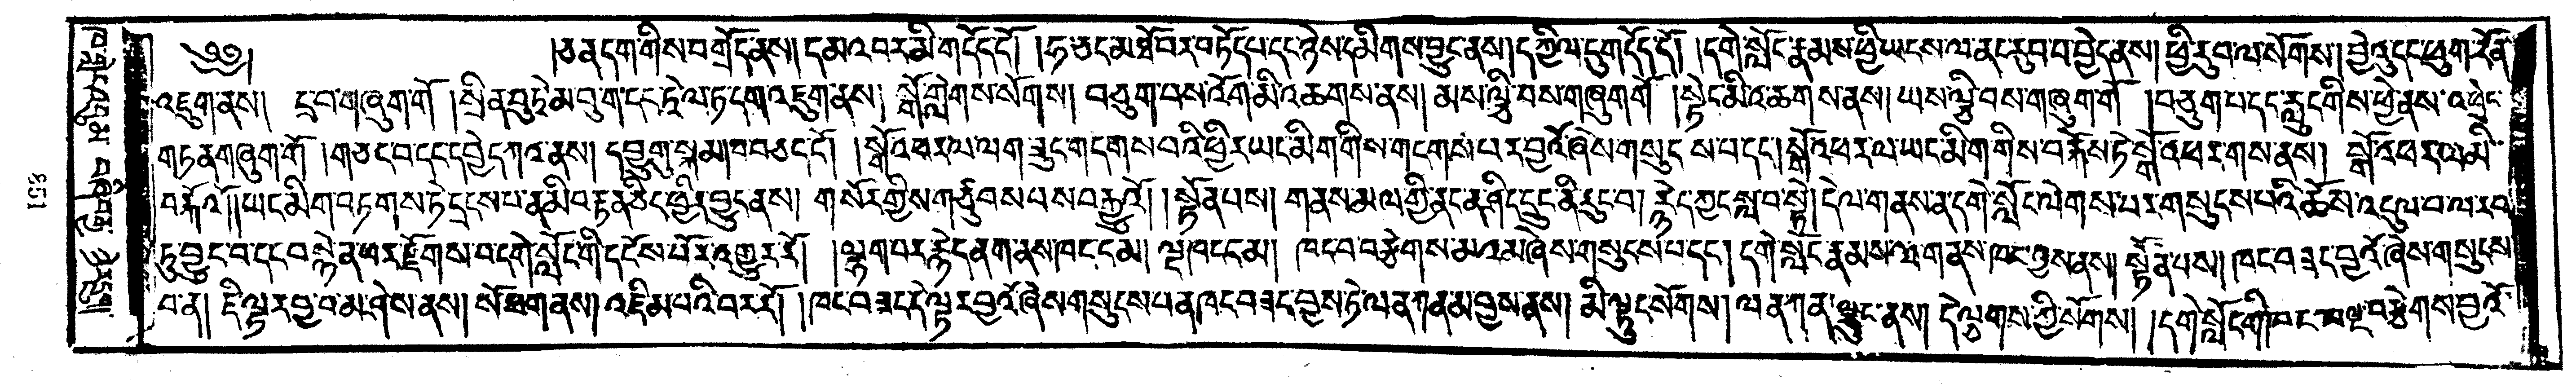༄༅། །ཅན་དག་གིས་བགྲོད་ནས། དམའ་བར་མི་གདོད་དོ། །ཧ་ཅང་མཐོ་བར་བཏོད་པ་དང་ཉེས་དམིགས་བྱུང་ནས། དཀྱིལ་དུ་གདོད་དོ། །དགེ་སློང་རྣམས་ཕྱི་ཡངས་ལ་ནང་རུབ་པ་བྱེད་ནས། ཕྱི་རུབ་ལ་སོགས། བྱེའུ་དང་ཕུག་རོན་
འཇུག་ནས། དྲ་བ་གཞུག་གོ །སྲིན་བུ་ཏྲེ་མ་བུ་ག་དང་ཏྲེ་ལ་ཏ་དག་འཇུག་ནས། སྒོ་གླེགས་སོགས། བཅུག་པས་འོག་མི་འཆགས་ནས། མས་ལྕི་བས་གཞུག་གོ །སྟེང་མི་འཆགས་ནས། ཡས་ལྕི་བས་གཞུག་གོ །བཅུག་པ་དང་རླུང་གིས་ཕྱེ་ནས་འཕྲེང་
གཏན་གཞུག་གོ །གཅང་བ་དང་དབྱེ་དཀའ་ནས། དབྱུ་གུ་སྐམ། བ་བཅད་ངོ། །སྒོ་འཕར་ལ་ལག་ཟུང་གདགས་པའི་ཕྱིར་ཡང་མིག་གིས་གདགས་པར་བྱའོ་ཞེས་གསུངས་པ་དང་། སྒོ་འཕར་ལ་ཡང་མིག་གིས་བརྐོས་ཏེ་སྒོ་འཕར་གས་ནས། སྒོ་འཕར་ལ་མི་
བརྐོའོ། །ཡང་མིག་བཏགས་ཏེ་དྲངས་པ་ན་མི་བརྟན་ཅིང་ཕྱིར་བྱུང་ནས། གསོར་གྱིས་གཙུབས་པས་བརྒྱུའོ། །སྟོན་པས། གནས་མལ་གྱི་ནང་ན་ཤིང་དྲུང་ནི་རུང་བ། རྙེད་ཀྱང་སླ་བ་སྟེ། དེ་ལ་གནས་ན་དགེ་སློང་ལེགས་པར་གསུངས་པའི་ཆོས་འདུལ་བ་ལ་རབ་
ཏུ་བྱུང་བ་དང་བསྙེན་ཕར་རྫོགས་པ་དགེ་སློང་གི་དངོས་པོར་འགྱུར་རོ། །ལྷག་པར་རྙེད་ནག་ནས་ཁང་དམ། ལྔ་ཁང་ངམ། ཁང་བ་བརྩེགས་མའམ་ཞེས་གསུངས་པ་དང་། དགེ་སློང་རྣམས་ལ་གནས་ཁང་བྱས་ནས། སྟོན་པས། ཁང་བཟང་བྱའོ་ཞེས་གསུངས་
བ་ན། ཇི་ལྟར་བྱ་བ་མ་ཤེས་ནས། སོ་ཐག་ནས། འཇིམ་པའི་བར་རོ། །ཁང་བཟང་དེ་ལྟར་བྱའོ་ཞེས་གསུངས་པ་ན་ཁང་བཟང་བྱས་ཏེ་ལན་ཀན་མ་བྱས་ནས། མི་ལྟུང་སོགས། ལན་ཀན་ལྷུང་ནས། དེ་ལྕགས་ཀྱི་སོགས། །དགེ་སློང་གི་ཁང་བླྔ་བརྩེགས་བྱའོ་